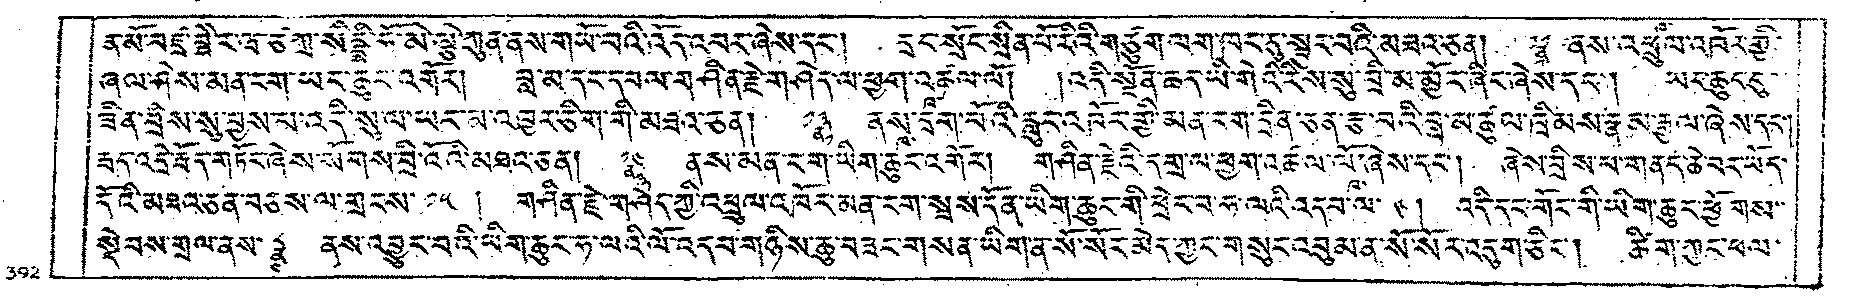ན་མོ་བཛྲ་བྷཻ་ར་ཝ་ཙ་ཀྲ་སིདྡྷི་ཧོ་མེ་ལྕེ་ཀུན་ནས་གཡོ་བའི་འོད་འབར་ཞེས་དང་། དྲང་སྲོང་སྲིན་པོ་རིའི་གཙུག་ལག་ཁང་དུ་སྦྱར་བའི་མཐའ་ཅན། ༡༡་ན ༡་ནས་ཁ་འཕྲུལ་འཁོར་གྱི་
ཞལ་ཤེས་མན་ངག་ཡང་ཆུང་འགོར། བླ་མ་དང་དཔལ་གཤིན་རྗེ་གཤེད་ལ་ཕྱག་འཚལ་ལོ། །འདི་སྔོན་ཆད་ཡི་གེའི་རིས་སུ་བྲི་མ་མྱོང་ཞིང་ཞེས་དང་། ཡང་ཆུང་ངུ་
ཟིན་བྲིས་སུ་བྱས་པ་འདི་སུ་ལ་ཡང་མ་འཁྱར་ཅིག་གི་མཐའ་ཅན། ༡༣་ན ༡་ནས་ཁ་དྲག་པོའི་རླུང་འཁོར་གྱི་མན་ངག་དྲིན་ཅན་རྩ་བའི་བླ་མ་ཚུལ་ཁྲིམས་རྣམ་རྒྱལ་ཞེས་དང་།
རྦད་འདྲེ་རྦོད་གཏོང་ཞེས་སོགས་བྲི་འོའི་མཐའ་ཅན། ༡༤་ན ༣་ནས་མན་ངག་ཡིག་ཆུང་ཁ་འགོར། གཤིན་རྗེའི་དགྲ་ལ་ཕྱག་འཚལ་ལོ་ཞེས་དང་། ཞེས་བྲིས་པ་གནད་ཆེ་བར་ཡོད་
དོའི་མཐའ་ཅན་བཅས་ལ་གྲངས ༡༥། གཤིན་རྗེ་གཤེད་ཀྱི་འཕྲུལ་འཁོར་མན་ངག་སྦས་དོན་ཡིག་ཆུང་གི་ཕྲེང་བ་ཧ་ལའི་འདབ་ཁ་ལ ༤། འདི་དང་གོང་གི་ཡིག་ཆུང་ཕྱོགས་
སྡེབས་གྲལ་ནས ༨་ན ༤་ནས་འབྱུང་བའི་ཡིག་ཆུང་ཧ་ལའི་ལོ་འདབ་གཉིས་ཆུ་བཟང་གསན་ཡིག་ན་སོ་སོར་མེད་ཀྱང་གསུང་འབུམ་ན་སོ་སོར་འདུག་ཅིང་། ཚིག་ཀྱང་ཕལ་